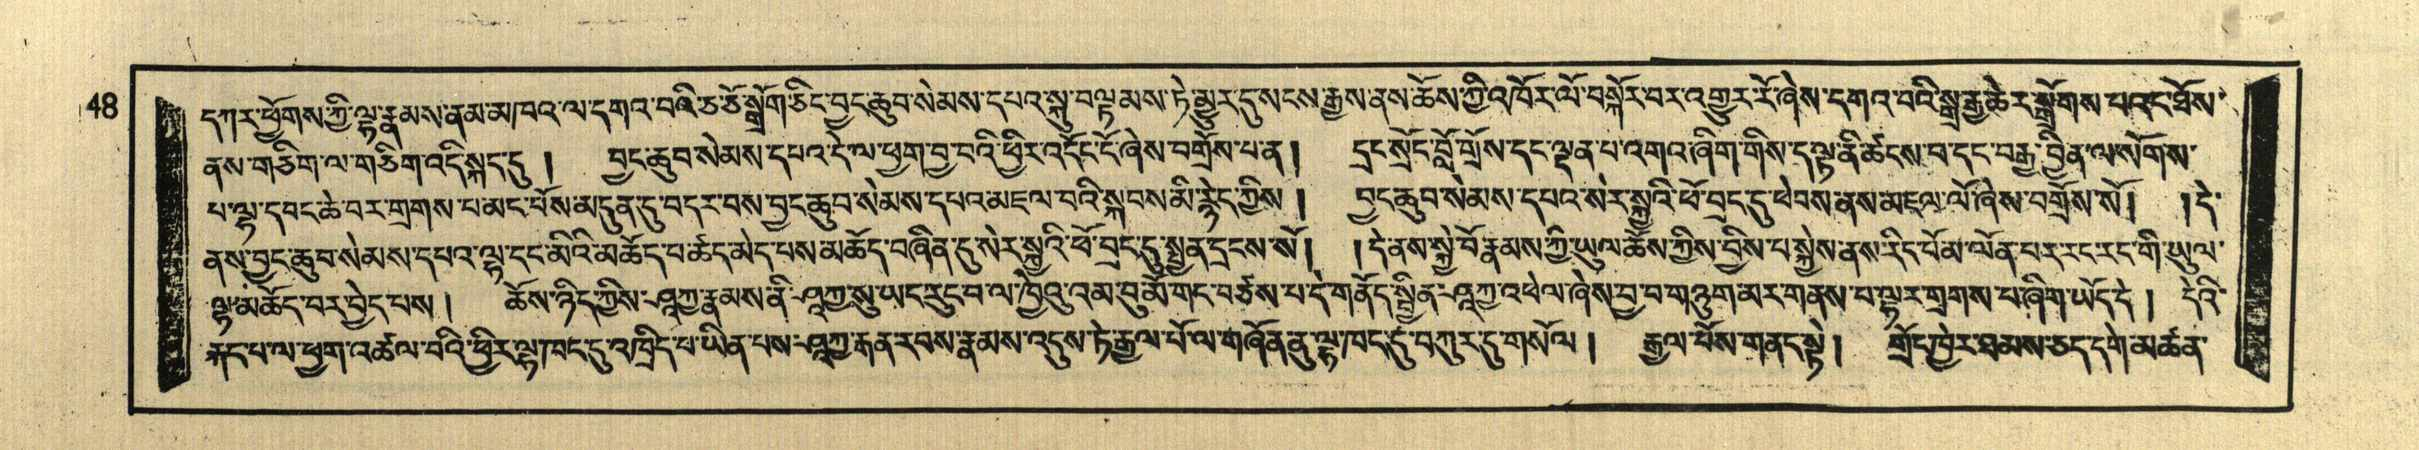དཀར་ཕྱོགས་ཀྱི་ལྷ་རྣམས་ནམ་མཁའ་ལ་དགའ་བའི་ཅ་ཅོ་སྒྲོག་ཅིང་བྱང་ཆུབ་སེམས་དཔའ་སྐུ་བལྟམས་ཏེ་མྱུར་དུ་སངས་རྒྱས་ནས་ཆོས་ཀྱི་འཁོར་ལོ་བསྐོར་བར་འགྱུར་རོ་ཞེས་དགའ་བའི་སྒྲ་རྒྱ་ཆེར་སྒྲོགས་པའང་ཐོས་
ནས་གཅིག་ལ་གཅིག་འདི་སྐད་དུ། བྱང་ཆུབ་སེམས་དཔའ་དེ་ལ་ཕྱག་བྱ་བའི་ཕྱིར་འདོད་དོ་ཞེས་བགྲོས་པ་ན། དྲང་སྲོང་བློ་གྲོས་དང་ལྡན་པ་འགའ་ཞིག་གིས་ད་ལྟ་ནི་ཚངས་བ་དང་བརྒྱ་བྱིན་ལ་སོགས་
པ་ལྷ་དབང་ཆེ་བར་གྲགས་པ་མང་པོས་མདུན་དུ་བདར་བས་བྱང་ཆུབ་སེམས་དཔའ་མཇལ་བའི་སྐབས་མི་རྙེད་ཀྱིས། བྱང་ཆུབ་སེམས་དཔའ་སེར་སྐྱའི་ཕོ་བྲང་དུ་ཕེབས་ནས་མཇལ་ལོ་ཞེས་བགྲོས་སོ། །དེ་
ནས་བྱང་ཆུབ་སེམས་དཔའ་ལྷ་དང་མིའི་མཆོད་པ་ཚད་མེད་པས་མཆོད་བཞིན་དུ་སེར་སྐྱའི་ཕོ་བྲང་དུ་སྤྱན་དྲངས་སོ། །དེ་ནས་སྐྱེ་བོ་རྣམས་ཀྱི་ཡུལ་ཆོས་ཀྱིས་བྱིས་པ་སྐྱེས་ནས་རིང་པོ་མ་ལོན་པར་རང་རང་གི་ཡུལ་
ལྷ་མཆོད་པར་བྱེད་པས། ཆོས་ཉིད་ཀྱིས་ཤཱཀྱ་རྣམས་ནི་ཤཱཀྱ་སུ་ཡང་རུང་བ་ལ་ཁྱེའུ་འམ་བུ་མོ་གང་བཙས་པ་དེ་གནོད་སྦྱིན་ཤཱཀྱ་འཕེལ་ཞེས་བྱ་བ་གཉུག་མར་གནས་པ་ལྟར་གྲགས་པ་ཞིག་ཡོད་དེ། དེའི་
རྐང་པ་ལ་ཕྱག་འཚལ་བའི་ཕྱིར་ལྷ་ཁང་དུ་འཁྲིད་པ་ཡིན་པས་ཤཱཀྱ་རྒན་རབས་རྣམས་འདུས་ཏེ་རྒྱལ་པོ་ལ་གཞོན་ནུ་ལྷ་ཁང་དུ་བཀུར་དུ་གསོལ། རྒྱལ་པོས་གནང་སྟེ། གྲོང་ཁྱེར་ཐམས་ཅད་དགེ་མཚན་